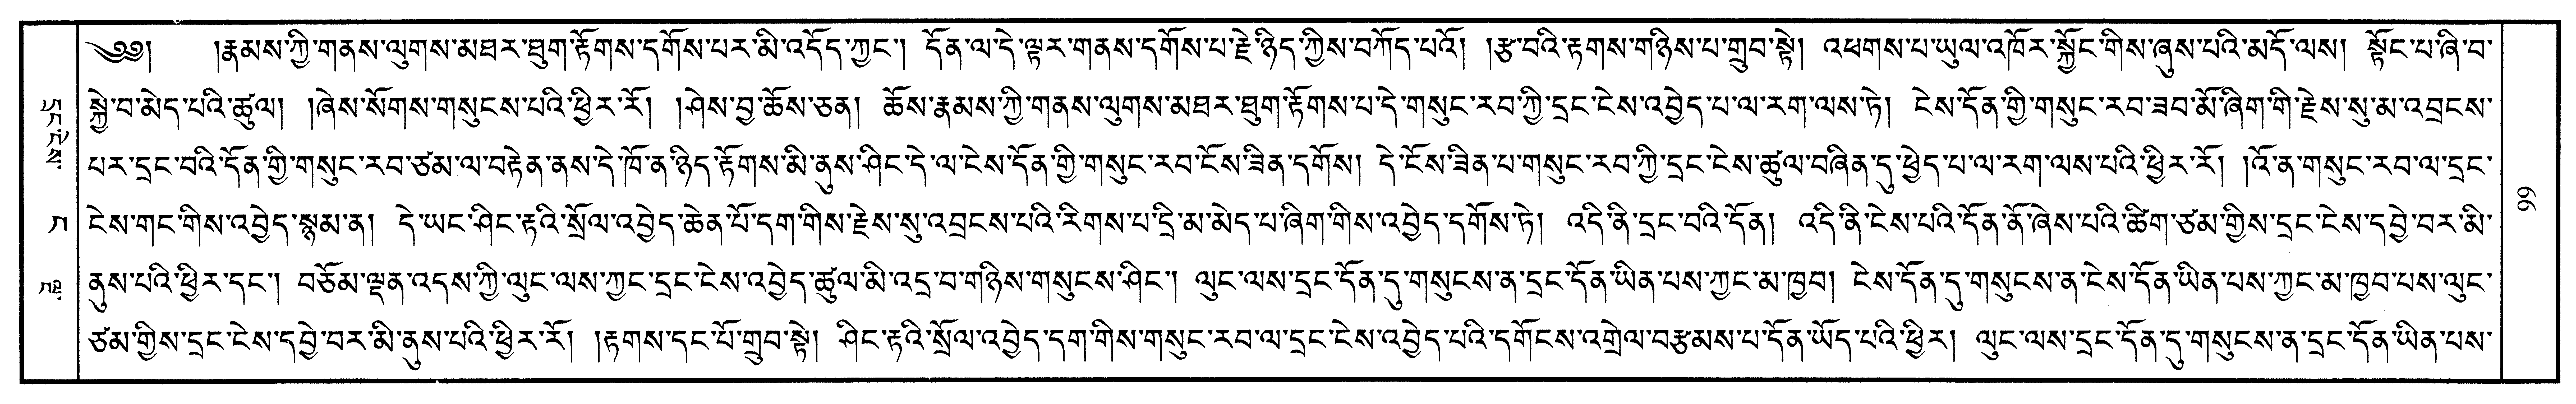༄༅། །རྣམས་ཀྱི་གནས་ལུགས་མཐར་ཐུག་རྟོགས་དགོས་པར་མི་འདོད་ཀྱང་། དོན་ལ་དེ་ལྟར་གནས་དགོས་པ་རྗེ་ཉིད་ཀྱིས་བཀོད་པའོ། །རྩ་བའི་རྟགས་གཉིས་པ་གྲུབ་སྟེ། འཕགས་པ་ཡུལ་འཁོར་སྐྱོང་གིས་ཞུས་པའི་མདོ་ལས། སྟོང་པ་ཞི་བ་
སྐྱེ་བ་མེད་པའི་ཚུལ། །ཞེས་སོགས་གསུངས་པའི་ཕྱིར་རོ། །ཤེས་བྱ་ཆོས་ཅན། ཆོས་རྣམས་ཀྱི་གནས་ལུགས་མཐར་ཐུག་རྟོགས་པ་དེ་གསུང་རབ་ཀྱི་དྲང་ངེས་འབྱེད་པ་ལ་རག་ལས་ཏེ། ངེས་དོན་གྱི་གསུང་རབ་ཟབ་མོ་ཞིག་གི་རྗེས་སུ་མ་འབྲངས་
པར་དྲང་བའི་དོན་གྱི་གསུང་རབ་ཙམ་ལ་བརྟེན་ནས་དེ་ཁོ་ན་ཉིད་རྟོགས་མི་ནུས་ཤིང་དེ་ལ་ངེས་དོན་གྱི་གསུང་རབ་ངོས་ཟིན་དགོས། དེ་ངོས་ཟིན་པ་གསུང་རབ་ཀྱི་དྲང་ངེས་ཚུལ་བཞིན་དུ་ཕྱེད་པ་ལ་རག་ལས་པའི་ཕྱིར་རོ། །འོ་ན་གསུང་རབ་ལ་དྲང་
ངེས་གང་གིས་འབྱེད་སྙམ་ན། དེ་ཡང་ཤིང་རྟའི་སྲོལ་འབྱེད་ཆེན་པོ་དག་གིས་རྗེས་སུ་འབྲངས་པའི་རིགས་པ་དྲི་མ་མེད་པ་ཞིག་གིས་འབྱེད་དགོས་ཏེ། འདི་ནི་དྲང་བའི་དོན། འདི་ནི་ངེས་པའི་དོན་ནོ་ཞེས་པའི་ཚིག་ཙམ་གྱིས་དྲང་ངེས་དབྱེ་བར་མི་
ནུས་པའི་ཕྱིར་དང་། བཅོམ་ལྡན་འདས་ཀྱི་ལུང་ལས་ཀྱང་དྲང་ངེས་འབྱེད་ཚུལ་མི་འདྲ་བ་གཉིས་གསུངས་ཤིང་། ལུང་ལས་དྲང་དོན་དུ་གསུངས་ན་དྲང་དོན་ཡིན་པས་ཀྱང་མ་ཁྱབ། ངེས་དོན་དུ་གསུངས་ན་ངེས་དོན་ཡིན་པས་ཀྱང་མ་ཁྱབ་པས་ལུང་
ཙམ་གྱིས་དྲང་ངེས་དབྱེ་བར་མི་ནུས་པའི་ཕྱིར་རོ། །རྟགས་དང་པོ་གྲུབ་སྟེ། ཤིང་རྟའི་སྲོལ་འབྱེད་དག་གིས་གསུང་རབ་ལ་དྲང་ངེས་འབྱེད་པའི་དགོངས་འགྲེལ་བརྩམས་པ་དོན་ཡོད་པའི་ཕྱིར། ལུང་ལས་དྲང་དོན་དུ་གསུངས་ན་དྲང་དོན་ཡིན་པས་